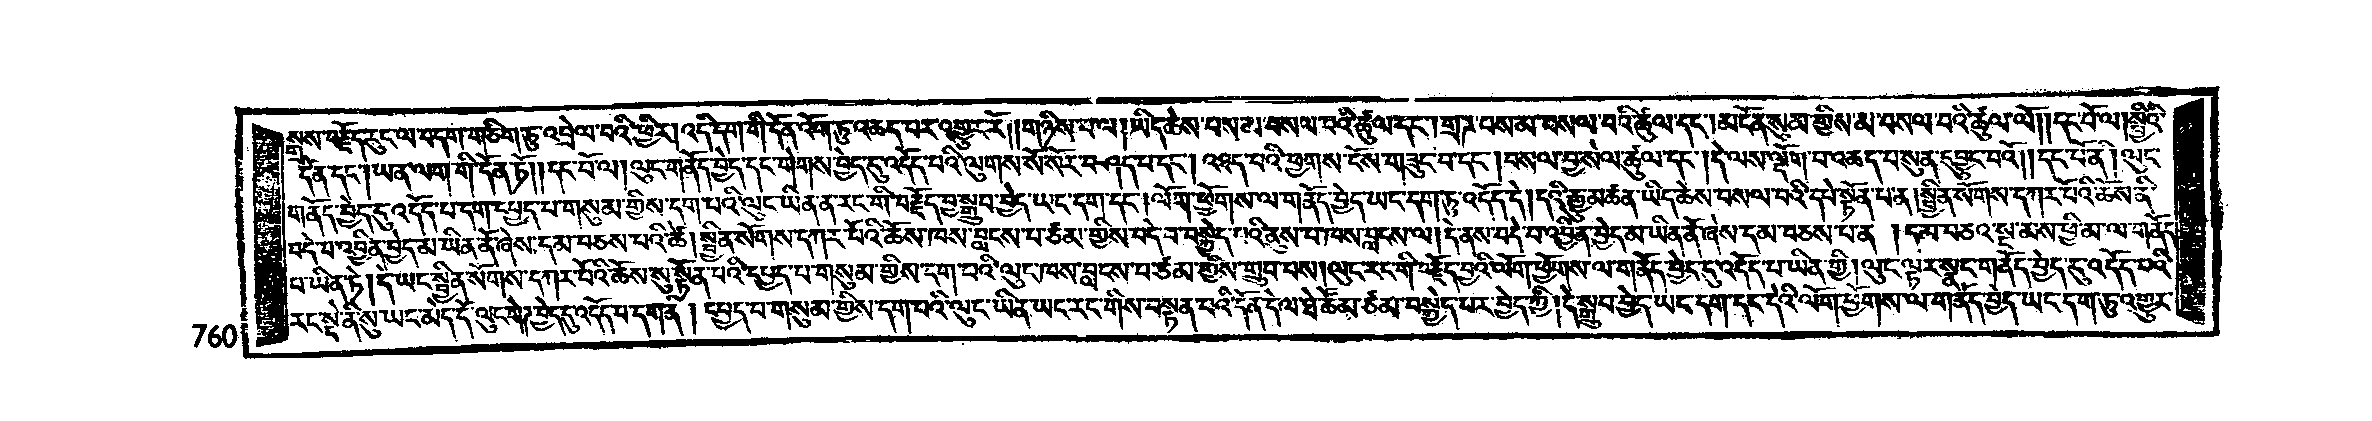སྒྲས་བརྗོད་རུང་ལ་བདག་གཅིག་ཏུ་འབྲེལ་བའི་ཕྱིར། འདི་དག་གི་དོན་འོག་ཏུ་འཆད་པར་འགྱུར་རོ། །གཉིས་པ་ལ། ཡིད་ཆེས་བསམ་བསལ་བའི་ཚུལ་དང་། གྲཌ་པས་མ་བསལ་བའི་ཚུལ་དང་། མངོན་སུམ་གྱིས་མ་བསལ་བའི་ཚུལ་ལོ། །དང་པོ་ལ། སྤྱིའི་
དོན་དང་། ཡན་ལག་གི་དོན་ཏོ། །དང་པོ་ལ། ལུང་གནོད་བྱེད་དང་གེགས་བྱེད་དུ་འདོད་པའི་ལུགས་སོ་སོར་བཤད་པ་དང་། འཐད་པའི་ཕྱགས་ངོས་གཟུང་བ་དང་། བསལ་བྱ་སེལ་ཚུལ་དང་། དེ་ལས་ལྡོག་པ་འཆད་པ་སུན་དབྱུང་བའོ། །དང་པོ་ནི། ལུང་
གནོད་བྱེད་དུ་འདོད་པ་དག་དཔྱད་པ་གསུམ་གྱིས་དག་པའི་ལུང་ཡིན་ན་རང་གི་བརྗོད་བྱ་སྒྲུབ་བྱེད་ཡང་དག་དང་། ལོག་ཕྱོགས་ལ་གནོད་བྱེད་ཡང་དག་ཏུ་འདོད་དེ། དེའི་རྒྱུ་མཚན་ཡིད་ཆེས་བསལ་བའི་དཔེ་སྟོན་པ་ན། སྦྱིན་སོགས་དཀར་པོའི་ཆོས་ནི་
བདེ་བ་འབྱིན་བྱེད་མ་ཡིན་ནོ་ཞེས་དམ་བཅས་པའི་ཚེ། སྦྱིན་སོགས་དཀར་པོའི་ཆོས་ཁས་བླངས་པ་ཙམ་གྱིས་བདེ་བ་བསྐྱེད་པའི་ནུས་པ་ཁས་བླངས་ལ། དེ་ནས་བདེ་བ་འབྱིན་བྱེད་མ་ཡིན་ནོ་ཞེས་དམ་བཅས་པ་ན་།དམ་བཅའ་སྔ་མས་ཕྱི་མ་ལ་གནོད་
པ་ཡིན་ཏེ། དེ་ཡང་སྦྱིན་སོགས་དཀར་པོའི་ཆོས་སུ་སྟོན་པའི་དཔྱད་པ་གསུམ་གྱིས་དག་པའི་ལུང་ཁས་བླངས་པ་ཙམ་གྱིས་གྲུབ་པས། ལུང་རང་གི་བརྗོད་བྱའི་ལོག་ཕྱོགས་ལ་གནོད་བྱེད་དུ་འདོད་པ་ཡིན་གྱི། ལུང་ལྟར་སྣང་གནོད་བྱེད་དུ་འདོད་པའི་
རང་སྡེ་ནི་སུ་ཡང་མེད་དོ་ལུང་གེགས་བྱེད་དུ་འདོད་པ་དག་ནི། དཔྱད་པ་གསུམ་གྱིས་དག་པའི་ལུང་ཡིན་ཡང་རང་གིས་བསྟན་པའི་དོན་དེ་ལ་ཐེ་ཚོམ་ཙམ་བསྐྱེད་པར་བྱེད་ཀྱི། དེ་སྒྲུབ་བྱེད་ཡང་དག་དང་དེའི་ལོག་ཕྱོགས་ལ་གནོད་བྱེད་ཡང་དག་ཏུ་འགྱུར་